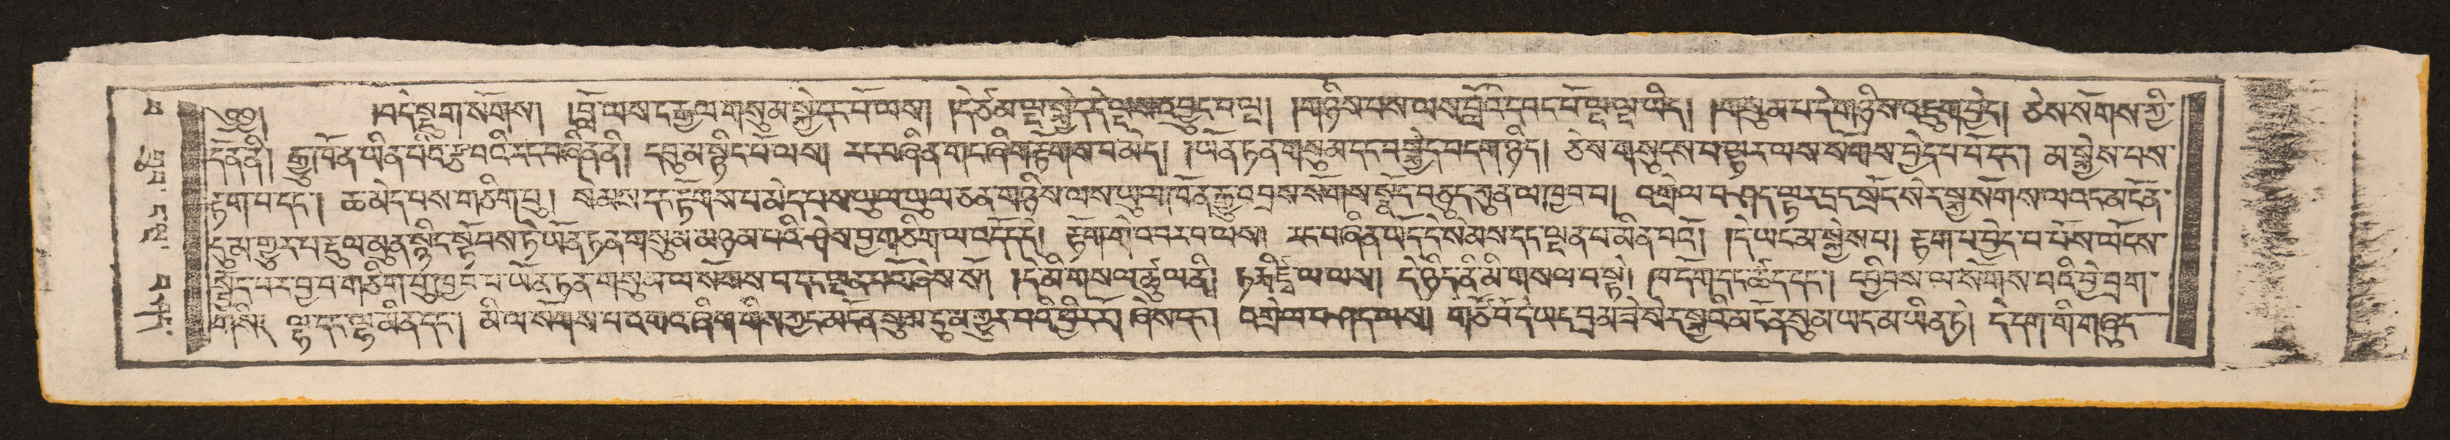༄༅། །བདེ་སྡུག་སོགས། །བློ་ལས་ང་རྒྱལ་གསུམ་སྐྱེ་དང་པོ་ལས། །དེ་ཙམ་ལྔ་སྐྱེད་དེ་ལྔས་འབྱུང་བ་ལྔ། །གཉིས་པས་ལས་བློའི་དབང་པོ་ལྔ་ལྔ་ཡིད། །གསུམ་པ་དེ་གཉིས་འཇུག་བྱེད། ཅེས་སོགས་ཀྱི་
དོན་ནི། རྒྱུ་ཁོ་ན་ཡིན་པའི་རྩ་བའི་རང་བཞིན་ནི། དབུ་མ་སྙིང་པོ་ལས། རང་བཞིན་གང་ཞིག་རྟོགས་པ་མེད། །ཡོན་ཏན་གསུམ་དང་བསྐྱང་པ་དག་ཉིད། ཅེས་གསུངས་པ་ལྟར་ལས་སོགས་བྱེད་པ་པོ་དང་། མ་སྐྱེས་པས་
རྟག་པ་དང་། ཆ་མེད་པས་གཅིག་པུ། སེམས་དང་རྟོགས་པ་མེད་པས་ཡུལ་ཡུལ་ཅན་གཉིས་ལས་ཡུལ་ཁོ་ན་རྒྱུ་འབྲས་སོགས་སྣོད་བཅུད་ཀུན་ལ་ཁྱབ་པ། འགྲེལ་བཤད་ལྟར་དྲང་སྲོང་སེར་སྐྱ་སོགས་ལའང་མངོན་
དུ་མ་གྱུར་པ་རྡུལ་མུན་སྙིང་སྟོབས་ཏེ་ཡོན་ཏན་གསུམ་མཉམ་པའི་ཤེས་བྱ་གཅིག་ལ་འདོད་དེ། རྟོག་གེ་འབར་བ་ལས། རང་བཞིན་ཡོད་དེ་སེམས་དང་ལྡན་པ་མིན་པའོ། །དེ་ཡང་མ་སྐྱེས་པ། རྟག་པ་བྱེད་པ་པོས་ལོངས་
སྤྱོད་པར་བྱ་བ་གཅིག་བུར་བྱ་བ་པ་ཡོན་ཏན་གསུམ་ལ་སོགས་པ་དང་ལྡན་པའོ་ཞེས་སོ། །དེ་མི་གསལ་ཚུལ་ནི། ཏ་རྐཛྭི་ལ་ལས། དེ་ཉིད་ནི་མི་གསལ་བ་སྟེ། ཁ་དོག་དང་ཚང་དང་། དབྱིབས་ལ་སོགས་པའི་བྱེ་བྲག་
གིས༑ ལྷ་དང་ལྷ་མིན་དང་། མི་ལ་སོགས་པ་འགའ་ཞིག་གིས་ཀྱང་མངོན་སུམ་དུ་མ་གྱུར་བའི་ཕྱིར་རོ། ཞེས་དང་། འགྲེལ་བཤད་ལས། གཙོ་བོ་དེ་ཡང་བྲམ་ཟེ་སེར་སྐྱའི་མངོན་སུམ་ཡང་མ་ཡིན་ཏེ། དེ་དག་གི་གཞུང་